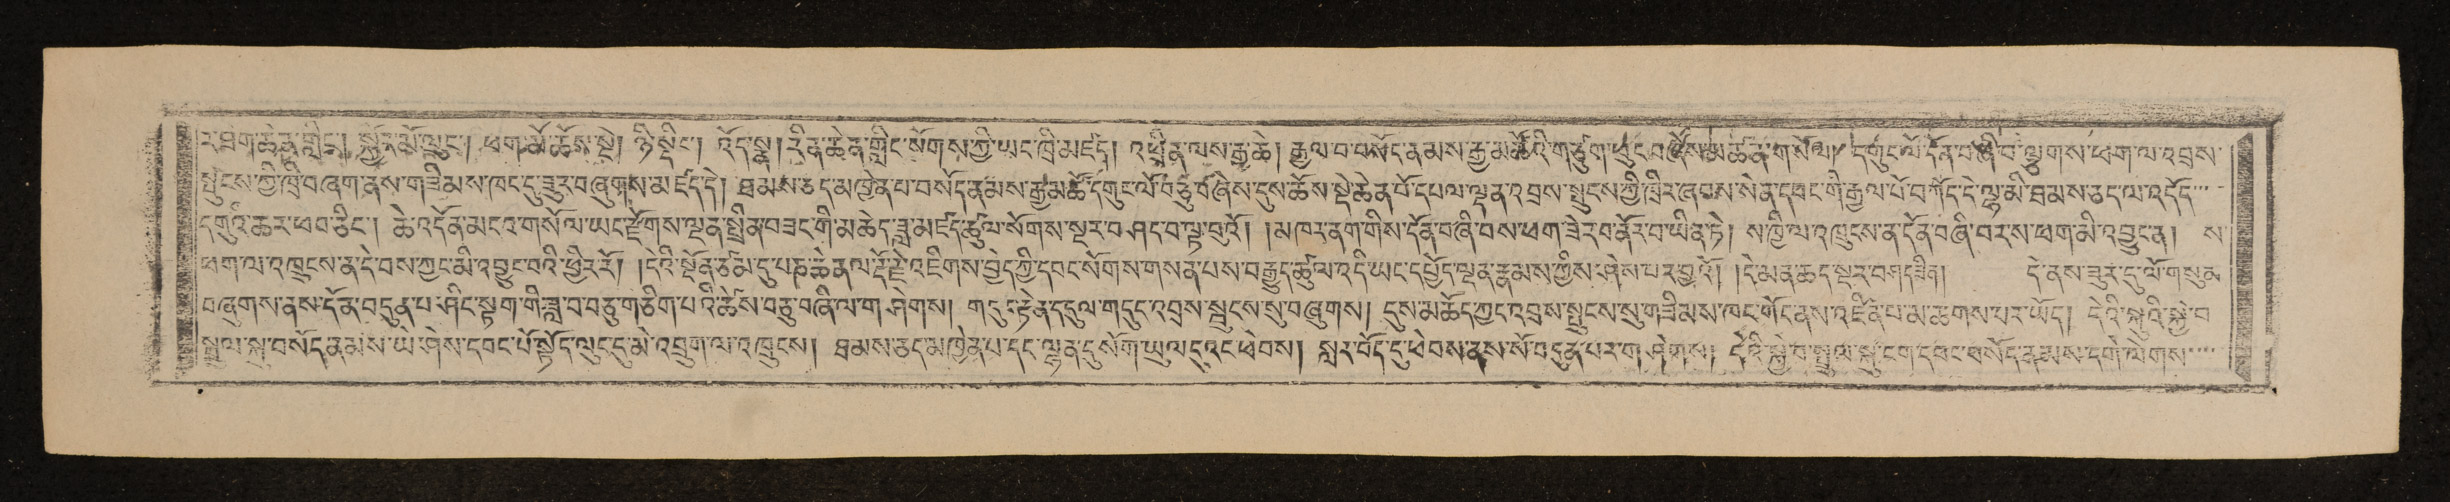ར་ཐེག་ཆེན་གླིང་། སྐྱོར་མོ་ལུང་། ཕག་མོ་ཆོས་སྡེ། ཉི་སྡིང་། འོད་སྣ། རིན་ཆེན་གླིང་སོགས་ཀྱི་ཡང་ཁྲི་མཛད། འཕྲིན་ལས་རྒྱ་ཆེ། རྒྱལ་བ་བསོད་ནམས་རྒྱ་མཚོའི་གཙུག་ཕུད་བཞེས་མཚན་གསོལ། དགུང་ལོ་དོན་བཞི་བ་ལྕགས་ཕག་ལ་འབྲས་
སྤུངས་ཀྱི་ཁྲི་བཞག་ནས་གཟིམས་ཁང་དུ་ཟུར་བཞུགས་མཛད་དེ། ཐམས་ཅད་མཁྱེན་པ་བསོད་ནམས་རྒྱ་མཚོ་དགུང་ལོ་བཅུ་བཞེས་དུས་ཆོས་སྡེ་ཆེན་པོ་དཔལ་ལྡན་འབྲས་སྤུངས་ཀྱི་ཁྲིར་ཞབས་སེན་དབང་གི་རྒྱལ་པོ་བཀོད་དེ་ལྷ་མི་ཐམས་ཅད་ལ་འདོད་
དགུའི་ཆར་ཕབ་ཅིང་། ཆེ་འདོན་མངའ་གསོལ་ཡང་རྫོགས་ལྡན་སྤྲིན་བཟང་གི་མཆེད་ཟླ་མཛད་ཚུལ་སོགས་སྔར་བཤད་པ་ལྟ་བུའོ། །མཁར་ནག་གིས་དོན་བཞི་པས་ཕག་ཟེར་བ་ནོར་བ་ཡིན་ཏེ། ས་ཁྱི་ལ་འཁྲུངས་ན་དོན་བཞི་པར་ས་ཕག་མི་འབྱུང་ན། ས་
ཕག་ལ་འཁྲུངས་ན་དེ་བས་ཀྱང་མི་འབྱུང་བའི་ཕྱིར་རོ། །དེའི་སྔོན་ཙམ་དུ་པཎ་ཆེན་ལ་རྡོ་རྗེ་འཇིགས་བྱེད་ཀྱི་དབང་སོགས་གསན་པས་བརྒྱུད་ཚུལ་འདི་ཡང་དཔྱོད་ལྡན་རྣམས་ཀྱིས་ཤེས་པར་བྱའོ། །དེ་མན་ཆད་སྔར་བཤད་ཟིན། དེ་ནས་ཟུར་དུ་ལོ་གསུམ་
བཞུགས་ནས་དོན་བདུན་པ་ཤིང་སྟག་གི་ཟླ་བ་བཅུ་གཅིག་པའི་ཚེས་བཅུ་བཞི་ལ་གཤེགས། གདུང་རྟེན་དངུལ་གདུང་འབྲས་སྤུངས་སུ་བཞུགས། དུས་མཆོད་ཀྱང་འབྲས་སྤུངས་སུ་གཟིམས་ཁང་གོང་ནས་འཛིན་པ་མ་ཆགས་པར་ཡོད། དེའི་སྐུའི་སྐྱེ་བ་
སྤྲུལ་སྐུ་བསོད་ནམས་ཡེ་ཤེས་དབང་པོ་སྟོད་ལུང་དུ་མེ་འབྲུག་ལ་འཁྲུངས། ཐམས་ཅད་མཁྱེན་པ་དང་ལྷན་དུ་སོག་ཡུལ་དུའང་ཕེབས། སླར་བོད་དུ་ཕེབས་ནས་སོ་བདུན་བར་གཤེགས། དེའི་སྐྱེ་བ་སྤྲུལ་སྐུ་ངག་དབང་བསོད་ནམས་དགེ་ལེགས་